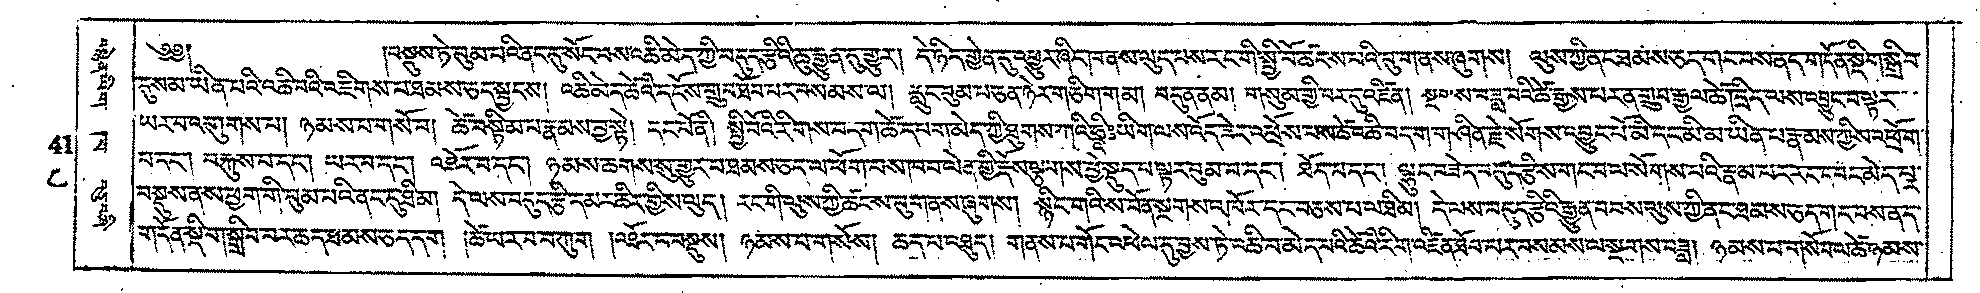༄༅། །བསྡུས་ཏེ་བུམ་པའི་ནང་དུ་སོང་བས་འཆི་མེད་ཀྱི་བདུད་རྩིའི་ཆུ་རྒྱུན་དུ་གྱུར། དེ་ཉིད་གྱེན་དུ་འཕྱུར་ཞིང་ཁ་ནས་ལུད་པས་རང་གི་སྤྱི་བོ་ཚངས་པའི་བུ་ག་ནས་ཞུགས། ལུས་ཀྱི་ནང་ཐམས་ཅད་གང་བས་ནད་གདོན་སྡིག་སྒྲིབ་
དུས་མ་ཡིན་པའི་འཆི་བའི་འཇིགས་པ་ཐམས་ཅད་སྦྱངས། འཆི་མེད་ཚེའི་དངོས་གྲུབ་ཐོབ་པར་བསམས་ལ། རླུང་བུམ་པ་ཅན་ཉེར་གཅིག་གམ། བདུན་ནམ། གསུམ་གྱི་བར་དུ་འཛིན། སྔགས་བཟླ་བའི་ཚེ་རྒྱས་པར་ན་གྲུབ་རྒྱལ་ཚེ་ཁྲིད་ལས་འབྱུང་བ་ལྟར་་་
ཡར་བ་འགུགས་པ། ཉམས་པ་གསོ་བ། ཚེ་བསྟིམ་པ་རྣམས་བྱ་སྟེ། དང་པོ་ནི། སྤྱི་བོའི་རིགས་བདག་ཚེ་དཔག་མེད་ཀྱི་ཐུགས་ཀའི་ཧྲཱིཿ ཡིག་ལས་འོད་ཟེར་འཕྲོས་པས་ཚེ་འཆི་བདག་གཤིན་རྗེ་སོགས་འབྱུང་པོ་མི་དང་མི་མ་ཡིན་པ་རྣམས་ཀྱིས་འཕྲོག་
པ་དང་། བརྐུས་པ་དང་། ཡར་བ་དང་། འཐོར་བ་དང་། ཉམས་ཆགས་སུ་གྱུར་པ་ཐམས་ཅད་ལ་ཕོག་པས་ཁབ་ལེན་གྱི་རྡོས་ལྕགས་ཕྱེ་སྡུད་པ་ལྟར་བུམ་པ་དང་། ཐོད་པ་དང་། ལྷུང་བཟེད་བདུད་རྩིས་གང་བ་ལ་སོགས་པའི་རྣམ་པར་རང་དབང་མེད་པར་
བསྡུས་ནས་ཕྱག་གི་བུམ་པའི་ནང་དུ་ཐིམ། དེ་ལས་བདུད་རྩི་དམར་ཆིར་གྱིས་ལུད། རང་གི་ལུས་ཀྱི་ཚངས་བུ་གནས་ཞུགས། སྙིང་གའི་ས་བོན་སྔགས་འཁོར་དང་བཅས་པ་ལ་ཐིམ། དེ་ལས་བདུད་རྩིའི་རྒྱུན་བབས་ལུས་ཀྱི་ནང་ཐམས་ཅད་གང་བས་ནད་
གདོན་སྡིག་སྒྲིབ་བར་ཆད་ཐམས་ཅད་དག། །ཚེ་ཡར་བ་བཀུག། །འཐོར་བ་བསྡུས། ཉམས་པ་གསོས། ཆད་པ་འཐུད། གནས་པ་གོང་འཕེལ་དུ་བྱས་ཏེ་འཆི་བ་མེད་པའི་ཚེ་རིག་འཛིན་ཐོབ་པར་བསམས་ལ་སྔགས་བཟླ། ཉམས་པ་གསོ་བ་ལ་ཚེ་ཉམས་